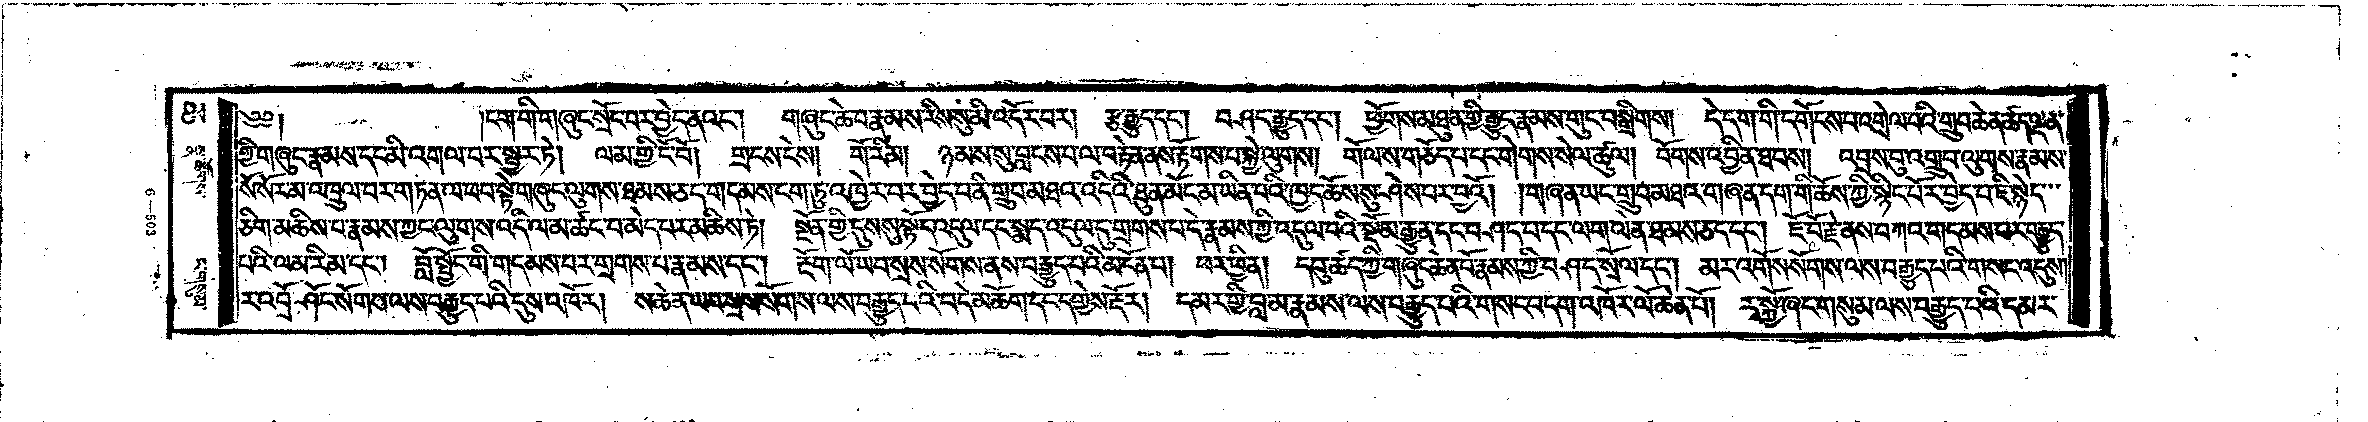༄༅། །ངག་གི་གཞུང་སྲོང་བར་བྱེད་ནའང་། གཞུང་ཆེ་བ་རྣམས་རིས་སུ་མི་འདོར་བར། རྩ་རྒྱུད་དང་། བཤད་རྒྱུད་དང་། ཕྱོགས་མཐུན་གྱི་རྒྱུད་རྣམས་གུང་བསྒྲིགས། དེ་དག་གི་དགོངས་པ་འགྲེལ་བའི་གྲུབ་ཆེན་ཚད་ལྡན་
གྱི་གཞུང་རྣམས་དང་མི་འགལ་བར་སྦྱར་ཏེ། ལམ་གྱི་ངོ་བོ། གྲངས་ངེས། གོ་རིམ། ཉམས་སུ་བླངས་པ་ལ་བརྟེན་ནས་རྟོགས་པ་སྐྱེ་ལུགས། གོལ་ས་གཅོད་པ་དང་གེགས་སེལ་ཚུལ། བོགས་འབྱིན་ཐབས། འབྲས་བུ་འགྲུབ་ལུགས་རྣམས་
སོ་སོར་མ་འཁྲུལ་བར་གཏན་ལ་ཕབ་སྟེ་གཞུང་ལུགས་ཐམས་ཅད་གདམས་ངག་ཏུ་འཁྱེར་བར་བྱེད་པ་ནི་གྲུབ་མཐའ་འདིའི་ཐུན་མོང་མ་ཡིན་པའི་ཁྱད་ཆོས་སུ་ཤེས་པར་བྱའོ། །གཞན་ཡང་གྲུབ་མཐའ་གཞན་དག་གི་ཆོས་ཀྱི་སྙིང་པོར་བྱེད་བ་ཇི་སྙེད་
ཅིག་མཆིས་པ་རྣམས་ཀྱང་ལུགས་འདི་ལ་མ་ཚང་བ་མེད་པར་མཆིས་ཏེ། སྔོན་གྱི་དུས་སུ་སྟོད་འདུལ་དང་སྨད་འདུལ་དུ་གྲགས་པ་དེ་རྣམས་ཀྱི་འདུལ་བའི་སྡོམ་རྒྱུན་དང་བཤད་པ་དང་ལག་ལེན་ཐམས་ཅད་དང་། ཇོ་བོ་རྗེ་ནས་བཀའ་གདམས་པར་བརྒྱུད་
པའི་ལམ་རིམ་དང་། བློ་སྦྱོང་གི་གདམས་པར་གྲགས་པ་རྣམས་དང་། རྔོག་ལོ་ཡབ་སྲས་སོགས་ནས་བརྒྱུད་པའི་མངོན་པ། ཕར་ཕྱིན། དབུ་ཚད་ཀྱི་གཞུང་ཆེན་པོ་རྣམས་ཀྱི་བཤད་སྲོལ་དང་། མར་འགོས་སོགས་ལས་བརྒྱུད་པའི་གསང་འདུས་
ར་འབྲོ་ཤོང་སོགས་ལས་བརྒྱུད་པའི་དུས་འཁོར། ས་ཆེན་ཡབ་སྲས་སོགས་ལས་བརྒྱུད་པའི་བདེ་མཆོག་དང་དགྱེས་རྡོར། དམར་གྱི་བླ་མ་རྣམས་ལས་བརྒྱུད་པའི་གསང་བདག་འཁོར་ལོ་ཆེན་པོ། རྭ་སྐྱོ་ཞང་གསུམ་ལས་བརྒྱུད་པའི་དམར་